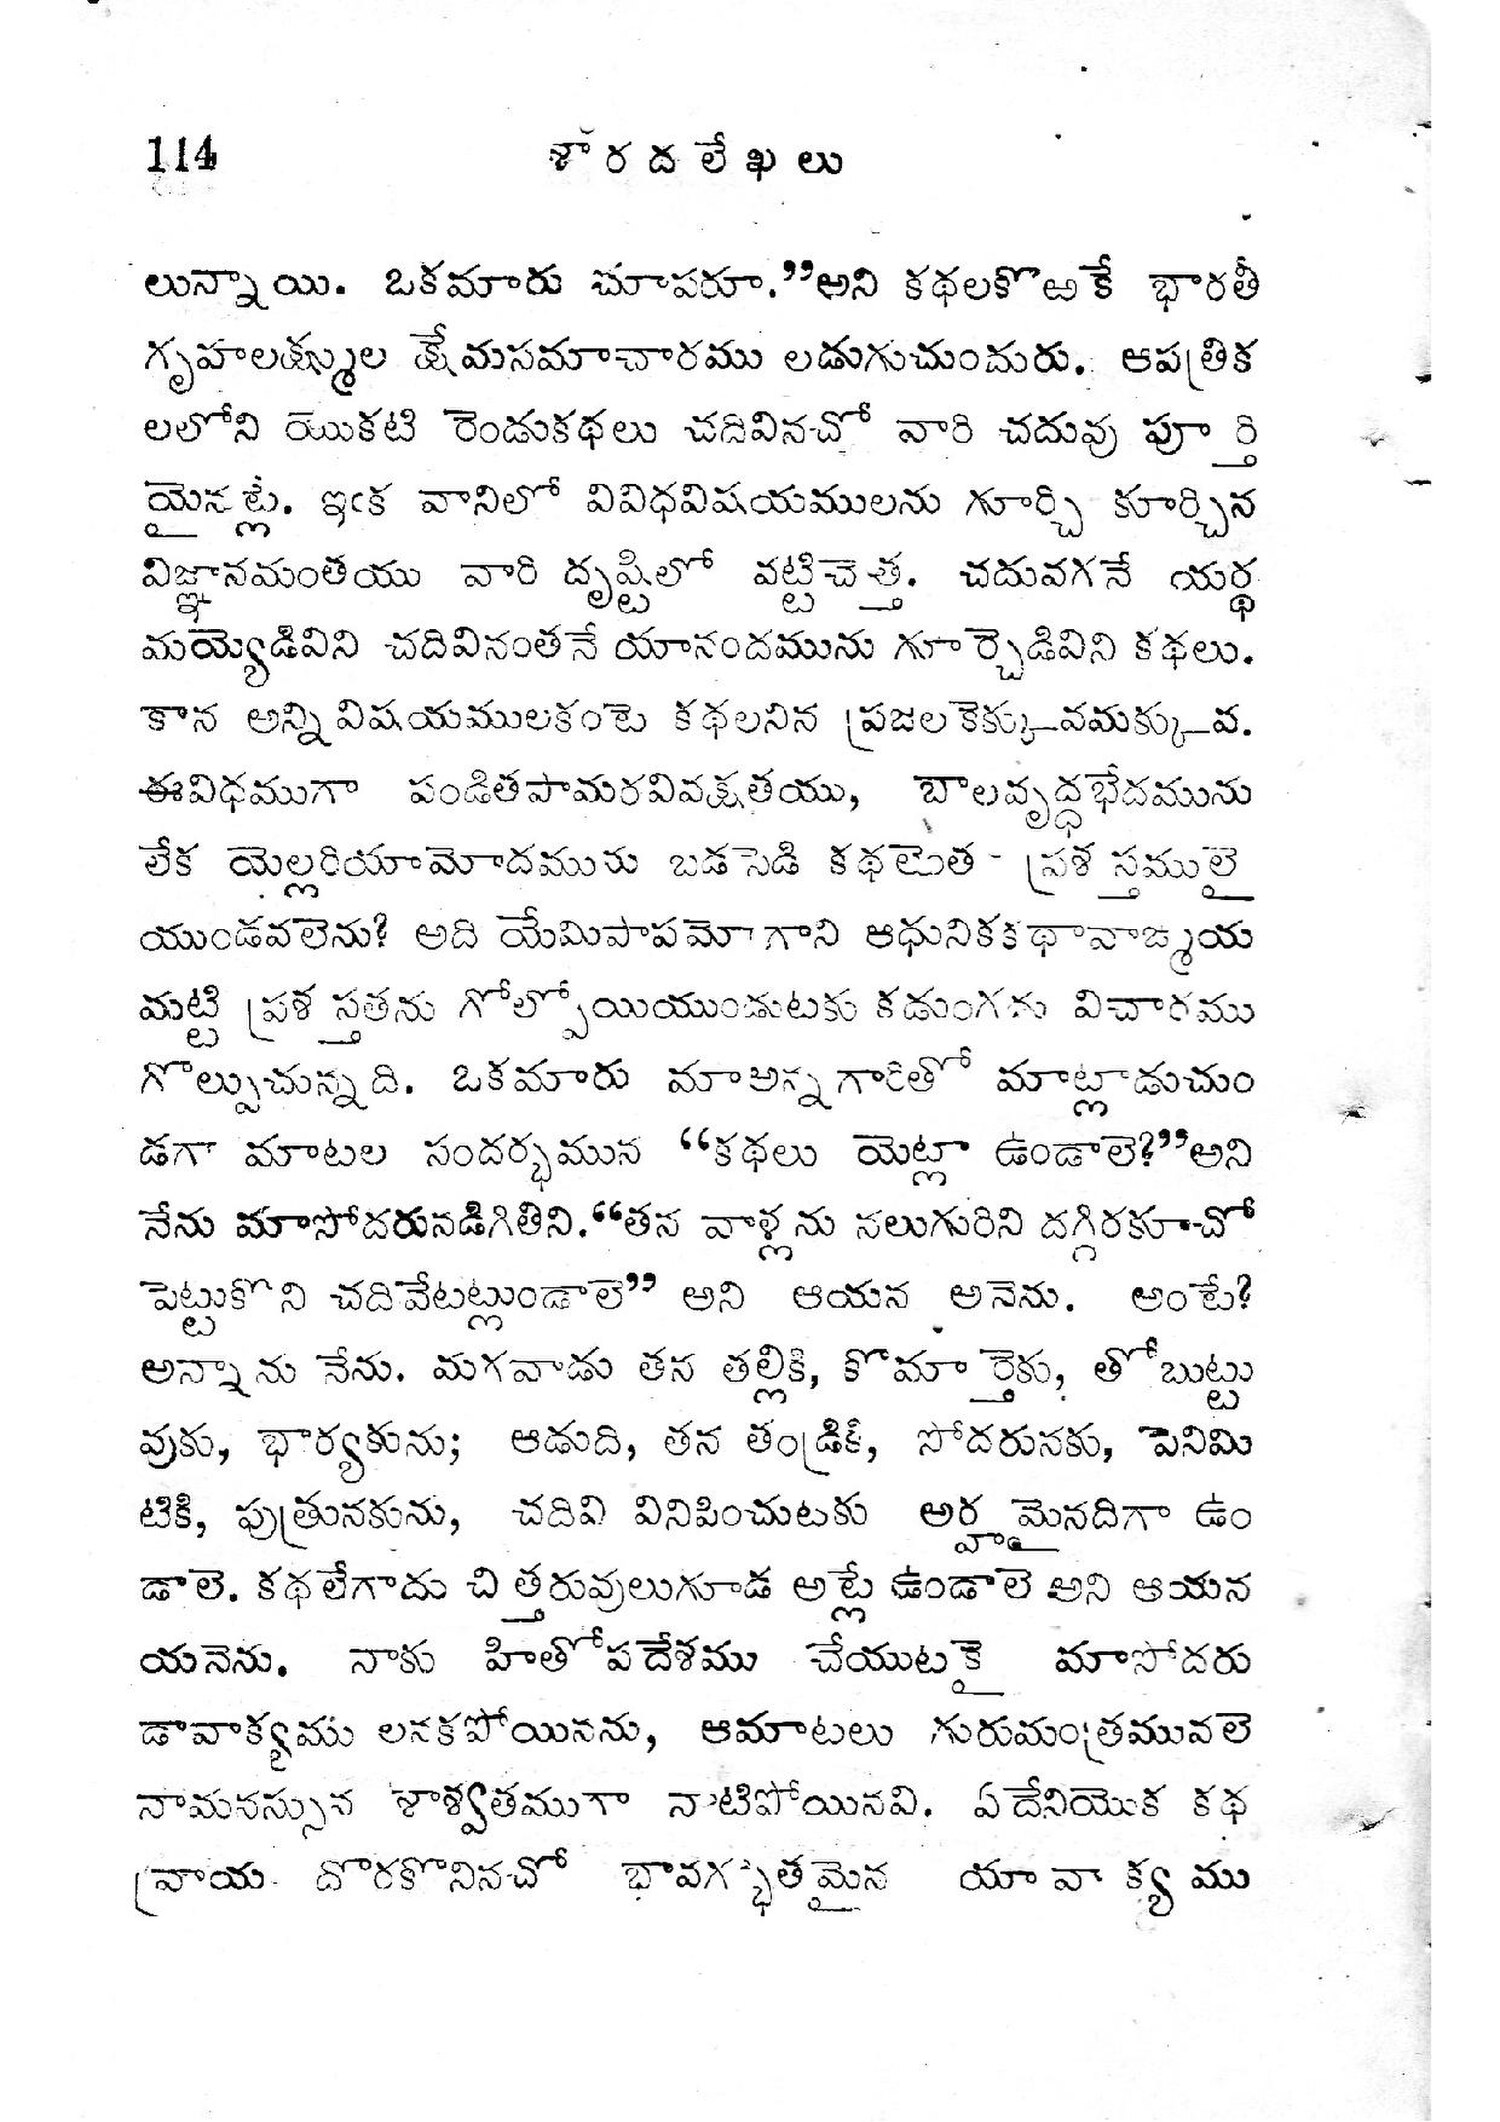లున్నాయి. ఒకమారు చూపరూ” అని కథలకొఱకే భారతీ గృహలక్ష్ముల క్షేమసమాచారము లడుగుచుందురు. ఆపత్రికలలోని యొకటి రెండుకథలు చదివినచో వారి చదువు పూర్తి యైనట్లే. ఇఁక వానిలో వివిధవిషయములను గూర్చి కూర్చిన విజ్ఞానమంతయు వారి దృష్టిలో వట్టిచెత్త. చదువగనే యర్థ
మయ్యెడివిని చదివినంతనే యానందమును గూర్చెడివిని కథలు. కాన అన్నివిషయములకంటె కథలనిన ప్రజలకెక్కువమక్కువ. ఈవిధముగా పండితపామరవివక్షతయు, బాలవృద్ధభేదమును లేక యెల్లరియామోదమును బడసెడి కథలెంత - ప్రశస్తములై యుండవలెను? అది యేమిపాపమోగాని ఆధునికకథావాఙ్మయ మట్టి ప్రశస్తతను గోల్పోయియుండుటకు కడుంగడు విచారము గొల్పుచున్నది. ఒకమారు మాఅన్నగారితో మాట్లాడుచుండగా మాటల సందర్భమున “కథలు యెట్లా ఉండాలె?” అని నేను మాసోదరునడిగితిని. "తన వాళ్లను నలుగురిని దగ్గరకూచోపెట్టుకొని చదివేటట్లుండాలె” అని ఆయన అనెను. అంటే? అన్నాను నేను. మగవాడు తన తల్లికి, కొమార్తెకు, తోబుట్టువుకు, భార్యకును; ఆడుది, తన తండ్రికి, సోదరునకు, పెనిమిటికి, పుత్రునకును, చదివి వినిపించుటకు అర్హమైనదిగా ఉండాలె. కథలేగాదు చిత్తరువులుగూడ అట్లే ఉండాలె అని ఆయన యనెను. నాకు హితోపదేశము చేయుటకై మాసోదరు డావాక్యము లనకపోయినను, ఆమాటలు గురుమంత్రమువలె నామనస్సున శాశ్వతముగా నాటిపోయినవి. ఏదేనియొక కథవ్రాయ దొరకొనినచో భావగర్భితమైన యావాక్యము